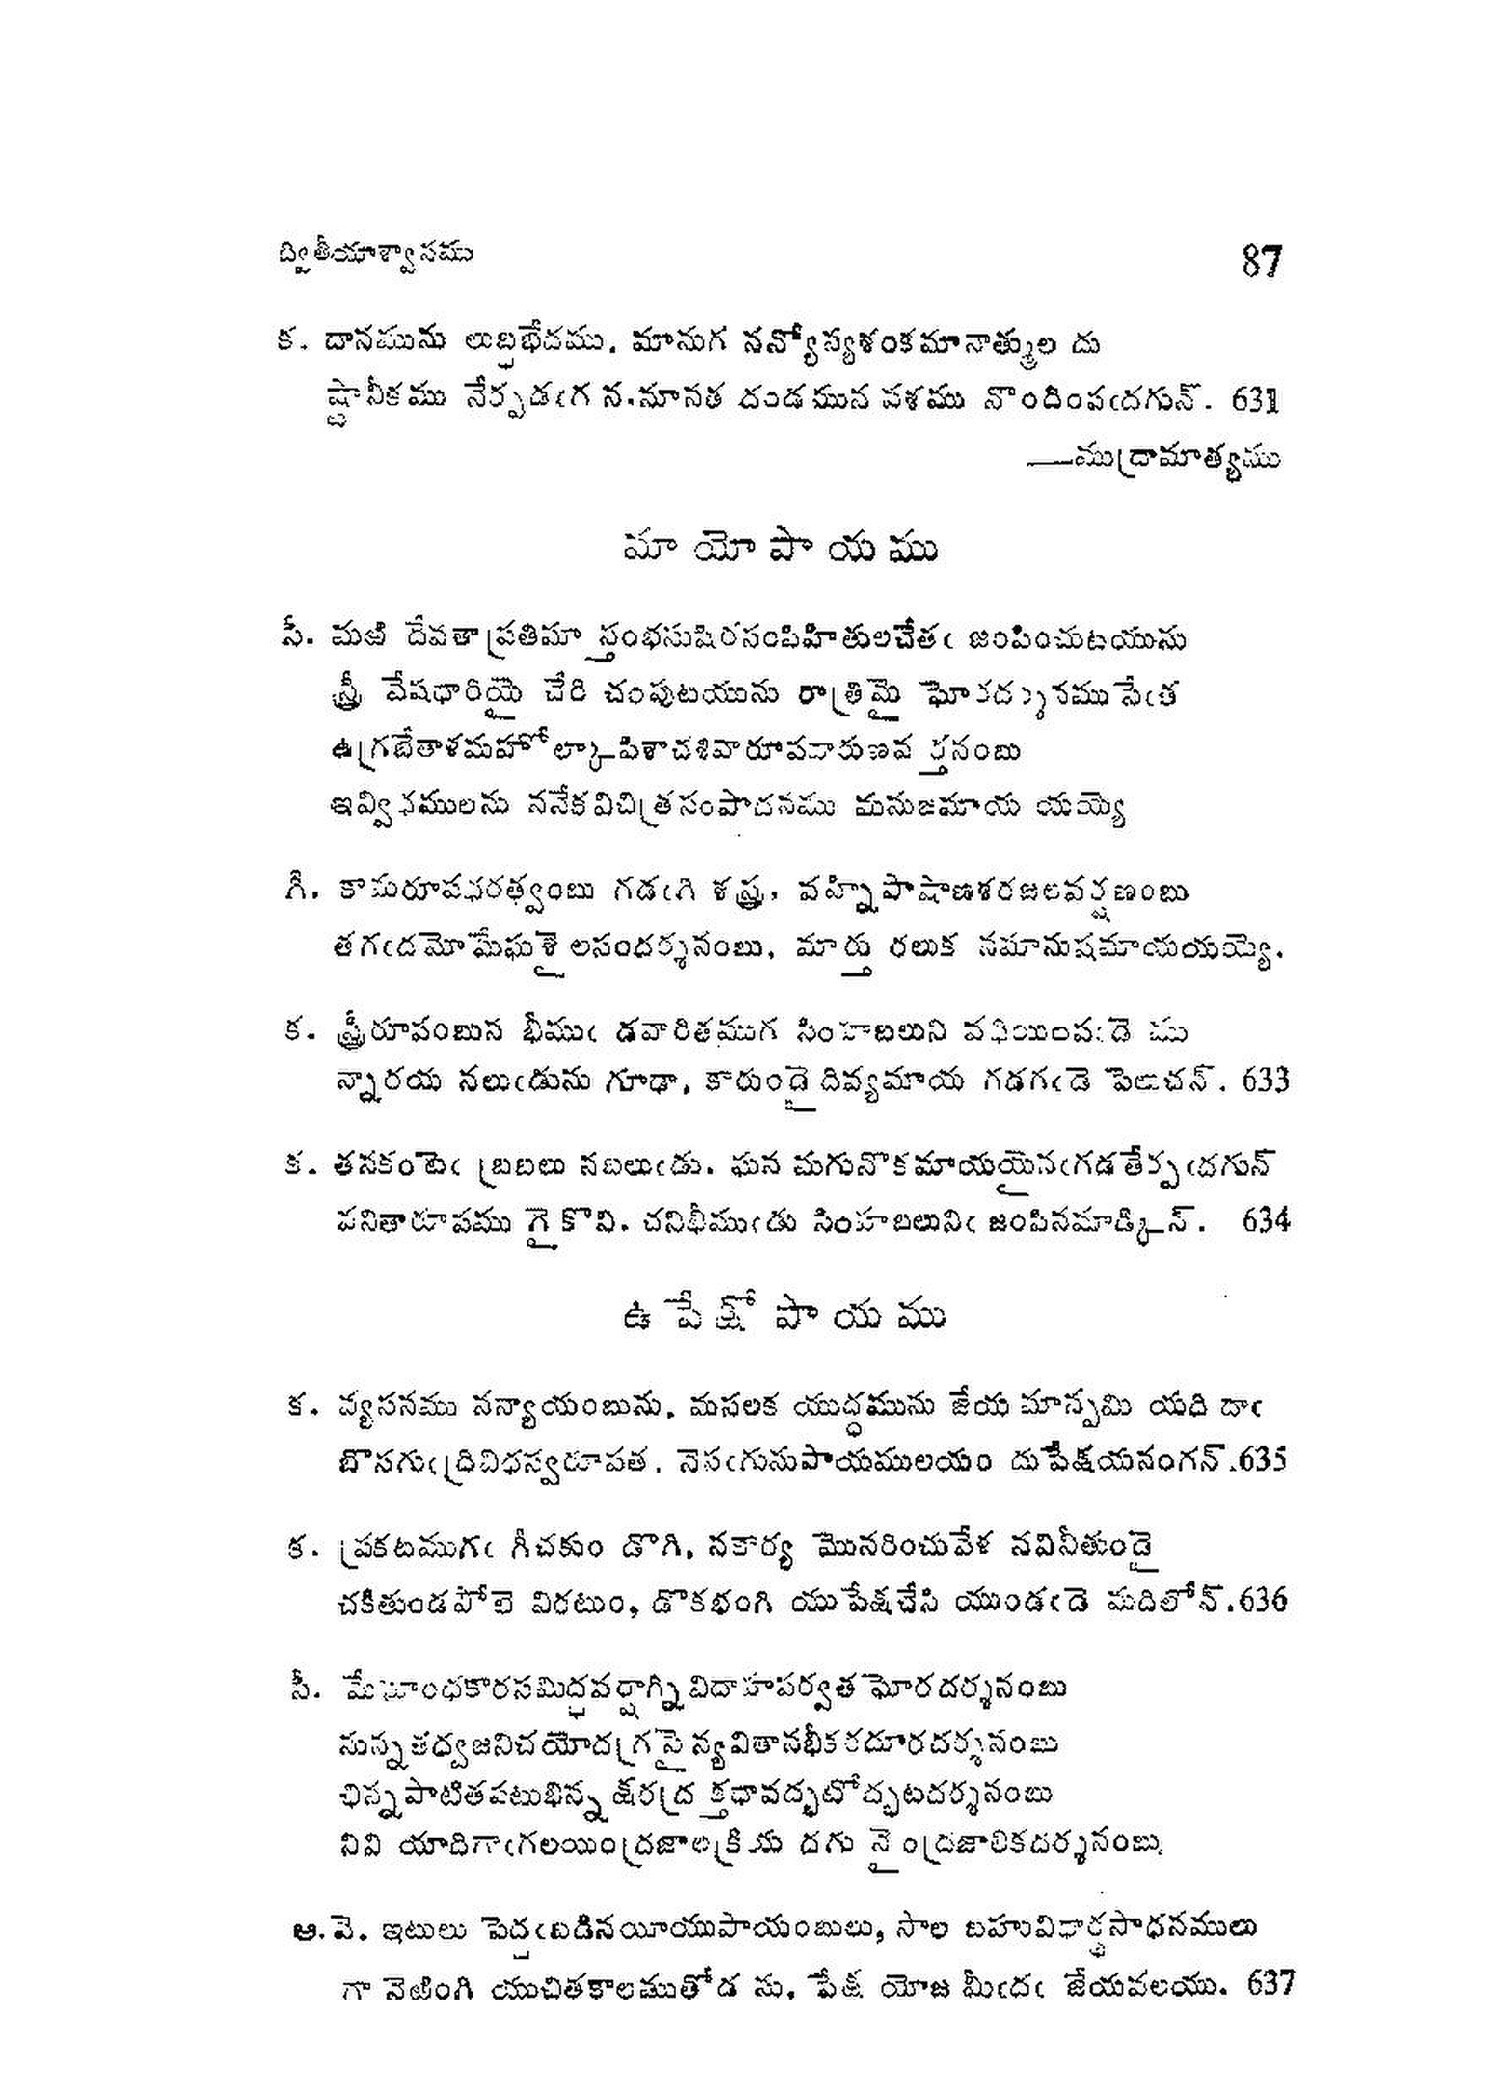క. దానమును లుబ్ధభేదము
మానుగ నన్యోన్యశంకమానాత్ముల దు
ష్టానీకము నేర్పడఁగ న
నూతన దండమున వశము నొందింపఁదగున్. 631

సీ. మఱి దేవతాప్రతిమాస్తంభసుషిర
సంపిహితులచేతఁ జంపించుటయును
స్త్రీవేషధారియై చేరి చంపుటయును
రాత్రిమై ఘోరదర్శనముసేఁత
ఉగ్రబేతాళమహోల్కాపిశాచశి
వారూపదారుణవర్తనంబు
ఇవ్విధములను ననేకవిచిత్రసం
పాదనము మనుజమాయ యయ్యె
గీ. కామరూపధరత్వంబు గడఁగి శస్త్ర
వహ్నిపాషాణశరజనవర్షణంబు
తగఁదమోమేఘశైలసందర్శనంబు
మార్తు రలక నమానుషమాయయయ్యె. 632

క. స్త్రీరూపంబున భీముఁ డ
వారితముగ సింహబలుని వధియింపఁడె ము
న్నారయ నలుఁడును గూఢా
కారుండై దివ్యమాయ గడగఁడె పెలుచన్. 633

క. తనకంటెఁ బ్రబలు నబలుఁడు
ఘన మగు నొక మాయయైనఁ గడతేర్పఁదగున్
వనితారూపము గైకొని
చని భీముఁడు సింహబలునిఁ జంపిన మాడ్కిన్. 634

క. వ్యసనము నన్యాయంబును
మసలక యుద్ధమును జెయ మాన్పమి యది దాఁ
బొసగుఁ ద్రివిధస్వరూపత
నెసఁగు నుపాయములయం దుపేక్ష యనంగన్. 635

క. ప్రకటముగఁ గీచకుం డొగి
నకార్య మొనరించువేళ నవినీతుండై
చకితుండపోలె విరటుం
డొకభంగి యుపేక్షచేసి యుండఁడె మదిలోన్. 636

సీ. మేఘాంధకారసమిద్ధవర్షాగ్నివి
దాహపర్వతఘోరదర్శనంబు
నున్నతధ్వజనియోజదగ్రసైన్యవి
తానభీకరదూరదర్శనంబు
ఛిన్నపాటితపటుభిన్నక్షరద్రక్త
ధావద్భటోద్భటదర్శనంబు
నివి యాదిగాఁ గల యింద్రజాలక్రియ
దగు నైంద్రజాలికదర్శనంబు
ఆ. ఇటులు పెద్దఁబడిన యీయుపాయంబులు
సాల బహువిధార్థసాధనములు
గా నెఱింగి యుచితకాలముతోడ ను
పేక్ష యోజ మీఁదఁ జేయవలయు. 637